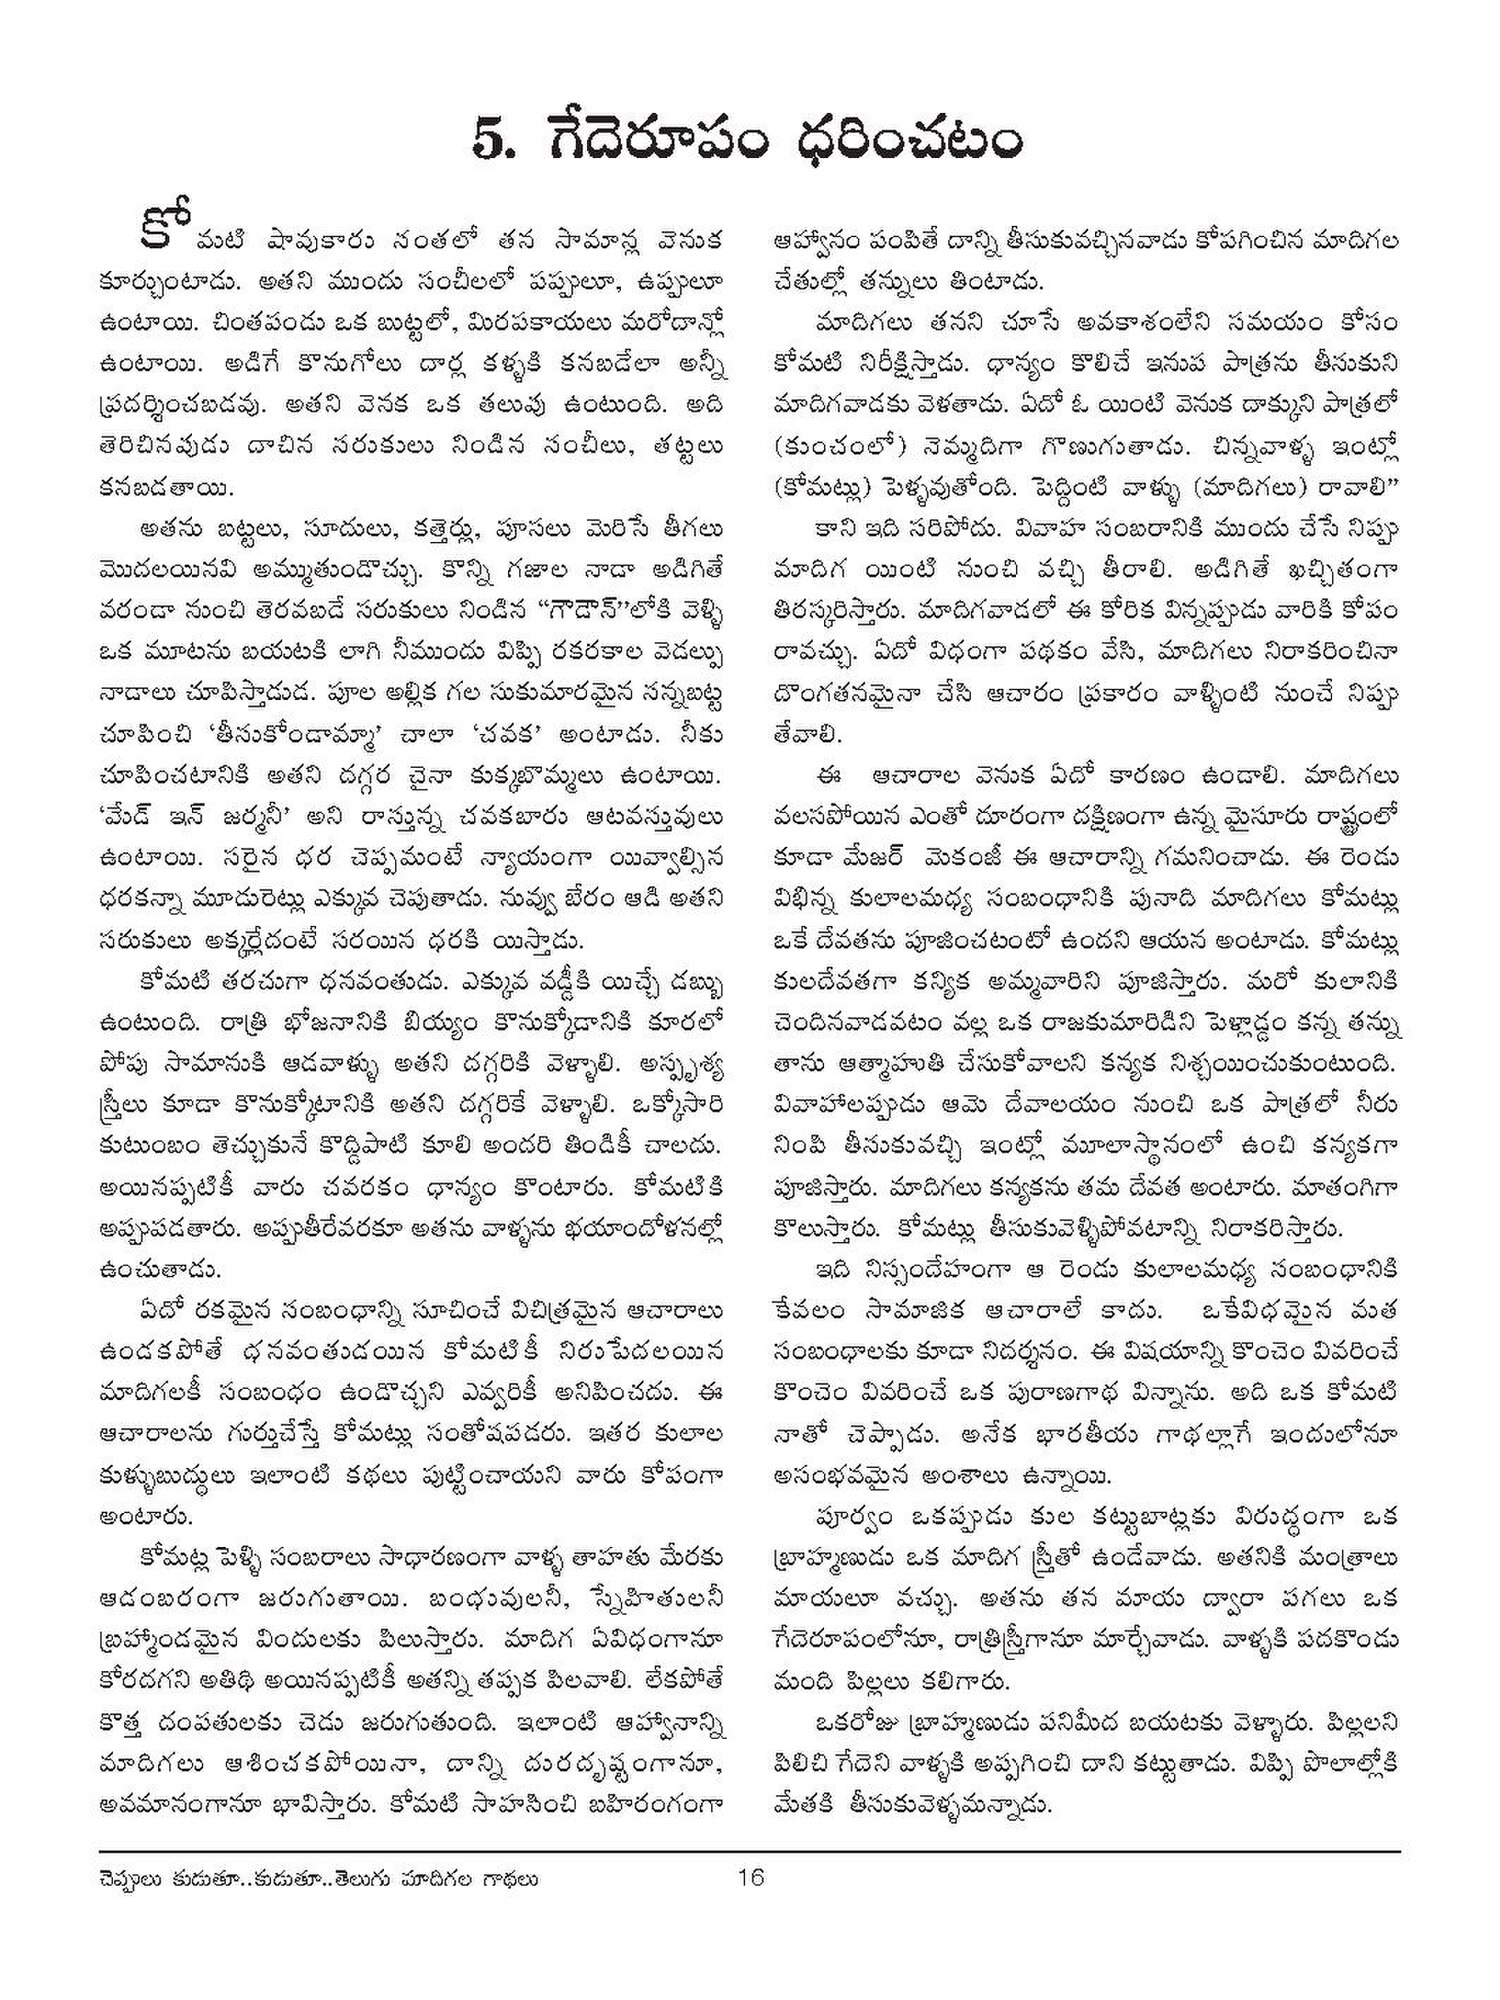5. గేదెరూపం ధరించటం

మటి షావుకారు నంతలో తన సామాన్ల వెనుక
కూర్చుంటాడు. అతని ముందు సంచీలలో పప్పులూ, ఉప్పులూ
ఉంటాయి. చింతపండు ఒక బుట్టలో, మిరపకాయలు మరోదాన్లో
ఉంటాయి. అడిగే కొనుగోలు దార్ల కళ్ళకి కనబడేలా అన్నీ
ప్రదర్శించబడవు. అతని వెనక ఒక తలుపు ఉంటుంది. అది
తెరిచినపుడు దాచిన సరుకులు నిండిన సంచీలు, తట్టలు
కనబడతాయి.

అతను బట్టలు, సూదులు, కత్తెర్లు, పూసలు మెరిసే తీగలు
మొదలయినవి. అమ్ముతుండొచ్చు. కొన్ని గజాల నాడా అడిగితే
వరండా నుంచి తెరవబడే సరుకులు నిండిన “గౌడౌన్”లోకి వెళ్ళి
ఒక మూటను బయటకి లాగి నీముందు విప్పి రకరకాల వెడల్పు
నాడాలు చూపిస్తాడుడ. పూల అల్లిక గల సుకుమారమైన సన్నబట్ట
చూపించి 'తీసుకోండామ్మా' చాలా 'చవక' అంటాడు. నీకు
చూపించటానికి అతని దగ్గర చైనా కుక్కబొమ్మలు ఉంటాయి.
'మేడ్ ఇన్ జర్మనీ' అని రాస్తున్న చవకబారు ఆటవస్తువులు
ఉంటాయి. సరైన ధర చెప్పమంటే న్యాయంగా యివ్వాల్సిన
ధరకన్నా మూడురెట్లు ఎక్కువ చెపుతాడు. నువ్వు బేరం ఆడి అతని
సరుకులు అక్కర్లేదంటే సరయిన ధరకి యిస్తాడు.

కోమటి తరచుగా ధనవంతుడు. ఎక్కువ వడ్డీకి యిచ్చే డబ్బు
ఉంటుంది. రాత్రి భోజనానికి బియ్యం కొనుక్కోడానికి కూరలో
పోపు సామానుకి ఆడవాళ్ళు అతని దగ్గరికి వెళ్ళాలి. అస్పృశ్య
స్త్రీలు కూడా కొనుక్కోటానికి అతని దగ్గరికే వెళ్ళాలి. ఒక్కోసారి
కుటుంబం తెచ్చుకునే కొద్దిపాటి కూలి అందరి తిండికీ చాలదు.
అయినప్పటికీ వారు చవరకం ధాన్యం కొంటారు. కోమటికి
అప్పుపడతారు. అప్పుతీరేవరకూ అతను వాళ్ళను భయాందోళనల్లో
ఉంచుతాడు.

ఏదో రకమైన సంబంధాన్ని సూచించే విచిత్రమైన ఆచారాలు
ఉండకపోతే ధనవంతుడయిన కోమటికీ నిరుపేదలయిన
మాదిగలకీ సంబంధం ఉండొచ్చని ఎవ్వరికీ అనిపించదు. ఈ
ఆచారాలను గుర్తుచేస్తే కోమట్లు సంతోషపడరు. ఇతర కులాల
కుళ్ళుబుద్ధులు ఇలాంటి కథలు పుట్టించాయని వారు కోపంగా
అంటారు.

కోమట్ల పెళ్ళి సంబరాలు సాధారణంగా వాళ్ళ తాహతు మేరకు
ఆడంబరంగా జరుగుతాయి. బంధువులనీ, స్నేహితులనీ
బ్రహ్మాండమైన విందులకు పిలుస్తారు. మాదిగ ఏవిధంగానూ
కోరదగని అతిథి అయినప్పటికీ అతన్ని తప్పక పిలవాలి. లేకపోతే
కొత్త దంపతులకు చెడు జరుగుతుంది. ఇలాంటి ఆహ్వానాన్ని
మాదిగలు ఆశించకపోయినా, దాన్ని దురదృష్టంగానూ,
అవమానంగానూ భావిస్తారు. కోమటి సాహసించి బహిరంగంగా
ఆహ్వానం పంపితే దాన్ని తీసుకువచ్చినవాడు కోపగించిన మాదిగల
చేతుల్లో తన్నులు తింటాడు.

మాదిగలు తనని చూసే అవకాశంలేని సమయం కోసం
కోమటి నిరీక్షిస్తాడు. ధాన్యం కొలిచే ఇనుప పాత్రను తీసుకుని
మాదిగవాడకు వెళతాడు. ఏదో ఓ యింటి వెనుక దాక్కుని పాత్రలో
(కుంచంలో) నెమ్మదిగా గొణుగుతాడు. చిన్నవాళ్ళ ఇంట్లో
(కోమట్లు) పెళ్ళవుతోంది. పెద్దింటి వాళ్ళు (మాదిగలు) రావాలి”

కాని ఇది సరిపోదు. వివాహ సంబరానికి ముందు చేసే నిప్పు
మాదిగ యింటి నుంచి వచ్చి తీరాలి. అడిగితే ఖచ్చితంగా
తిరస్కరిస్తారు. మాదిగవాడలో ఈ కోరిక విన్నప్పుడు వారికి కోపం
రావచ్చు. ఏదో విధంగా పథకం వేసి, మాదిగలు నిరాకరించినా
దొంగతనమైనా చేసి ఆచారం ప్రకారం వాళ్ళింటి నుంచే నిప్పు
తేవాలి.

ఈ ఆచారాల వెనుక ఏదో కారణం ఉండాలి. మాదిగలు
వలసపోయిన ఎంతో దూరంగా దక్షిణంగా ఉన్న మైసూరు రాష్ట్రంలో
కూడా మేజర్ మెకంజీ ఈ ఆచారాన్ని గమనించాడు. ఈ రెండు
విభిన్న కులాలమధ్య సంబంధానికి పునాది మాదిగలు కోమట్లు
ఒకే దేవతను పూజించటంటో ఉందని ఆయన అంటాడు. కోమట్లు
కులదేవతగా కన్యిక అమ్మవారిని పూజిస్తారు. మరో కులానికి
చెందినవాడవటం వల్ల ఒక రాజకుమారిడిని పెళ్లాడ్డం కన్న తన్ను
తాను ఆత్మాహుతి చేసుకోవాలని కన్యక నిశ్చయించుకుంటుంది.
వివాహాలప్పుడు ఆమె దేవాలయం నుంచి ఒక పాత్రలో నీరు
నింపి తీసుకువచ్చి ఇంట్లో మూలాస్థానంలో ఉంచి కన్యకగా
పూజిస్తారు. మాదిగలు కన్యకను తమ దేవత అంటారు. మాతంగిగా
కొలుస్తారు. కోమట్లు తీసుకువెళ్ళిపోవటాన్ని నిరాకరిస్తారు.

ఇది నిస్సందేహంగా ఆ రెండు కులాలమధ్య సంబంధానికి
కేవలం సామాజిక ఆచారాలే కాదు. ఒకేవిధమైన మత
సంబంధాలకు కూడా నిదర్శనం. ఈ విషయాన్ని కొంచెం వివరించే
కొంచెం వివరించే ఒక పురాణగాథ విన్నాను. అది ఒక కోమటి
నాతో చెప్పాడు. అనేక భారతీయ గాథల్లాగే ఇందులోనూ
అసంభవమైన అంశాలు ఉన్నాయి.

పూర్వం ఒకప్పుడు కుల కట్టుబాట్లకు విరుద్ధంగా ఒక
బ్రాహ్మణుడు ఒక మాదిగ స్త్రీతో ఉండేవాడు. అతనికి మంత్రాలు
మాయలూ వచ్చు. అతను తన మాయ ద్వారా పగలు ఒక
గేదెరూపంలోనూ, రాత్రి స్త్రీగానూ మార్చేవాడు. వాళ్ళకి పదకొండు
మంది పిల్లలు కలిగారు.

ఒకరోజు బ్రాహ్మణుడు పనిమీద బయటకు వెళ్ళారు. పిల్లలని
పిలిచి గేదెని వాళ్ళకి అప్పగించి దాని కట్టుతాడు. విప్పి పొలాల్లోకి
మేతకి తీసుకువెళ్ళమన్నాడు.